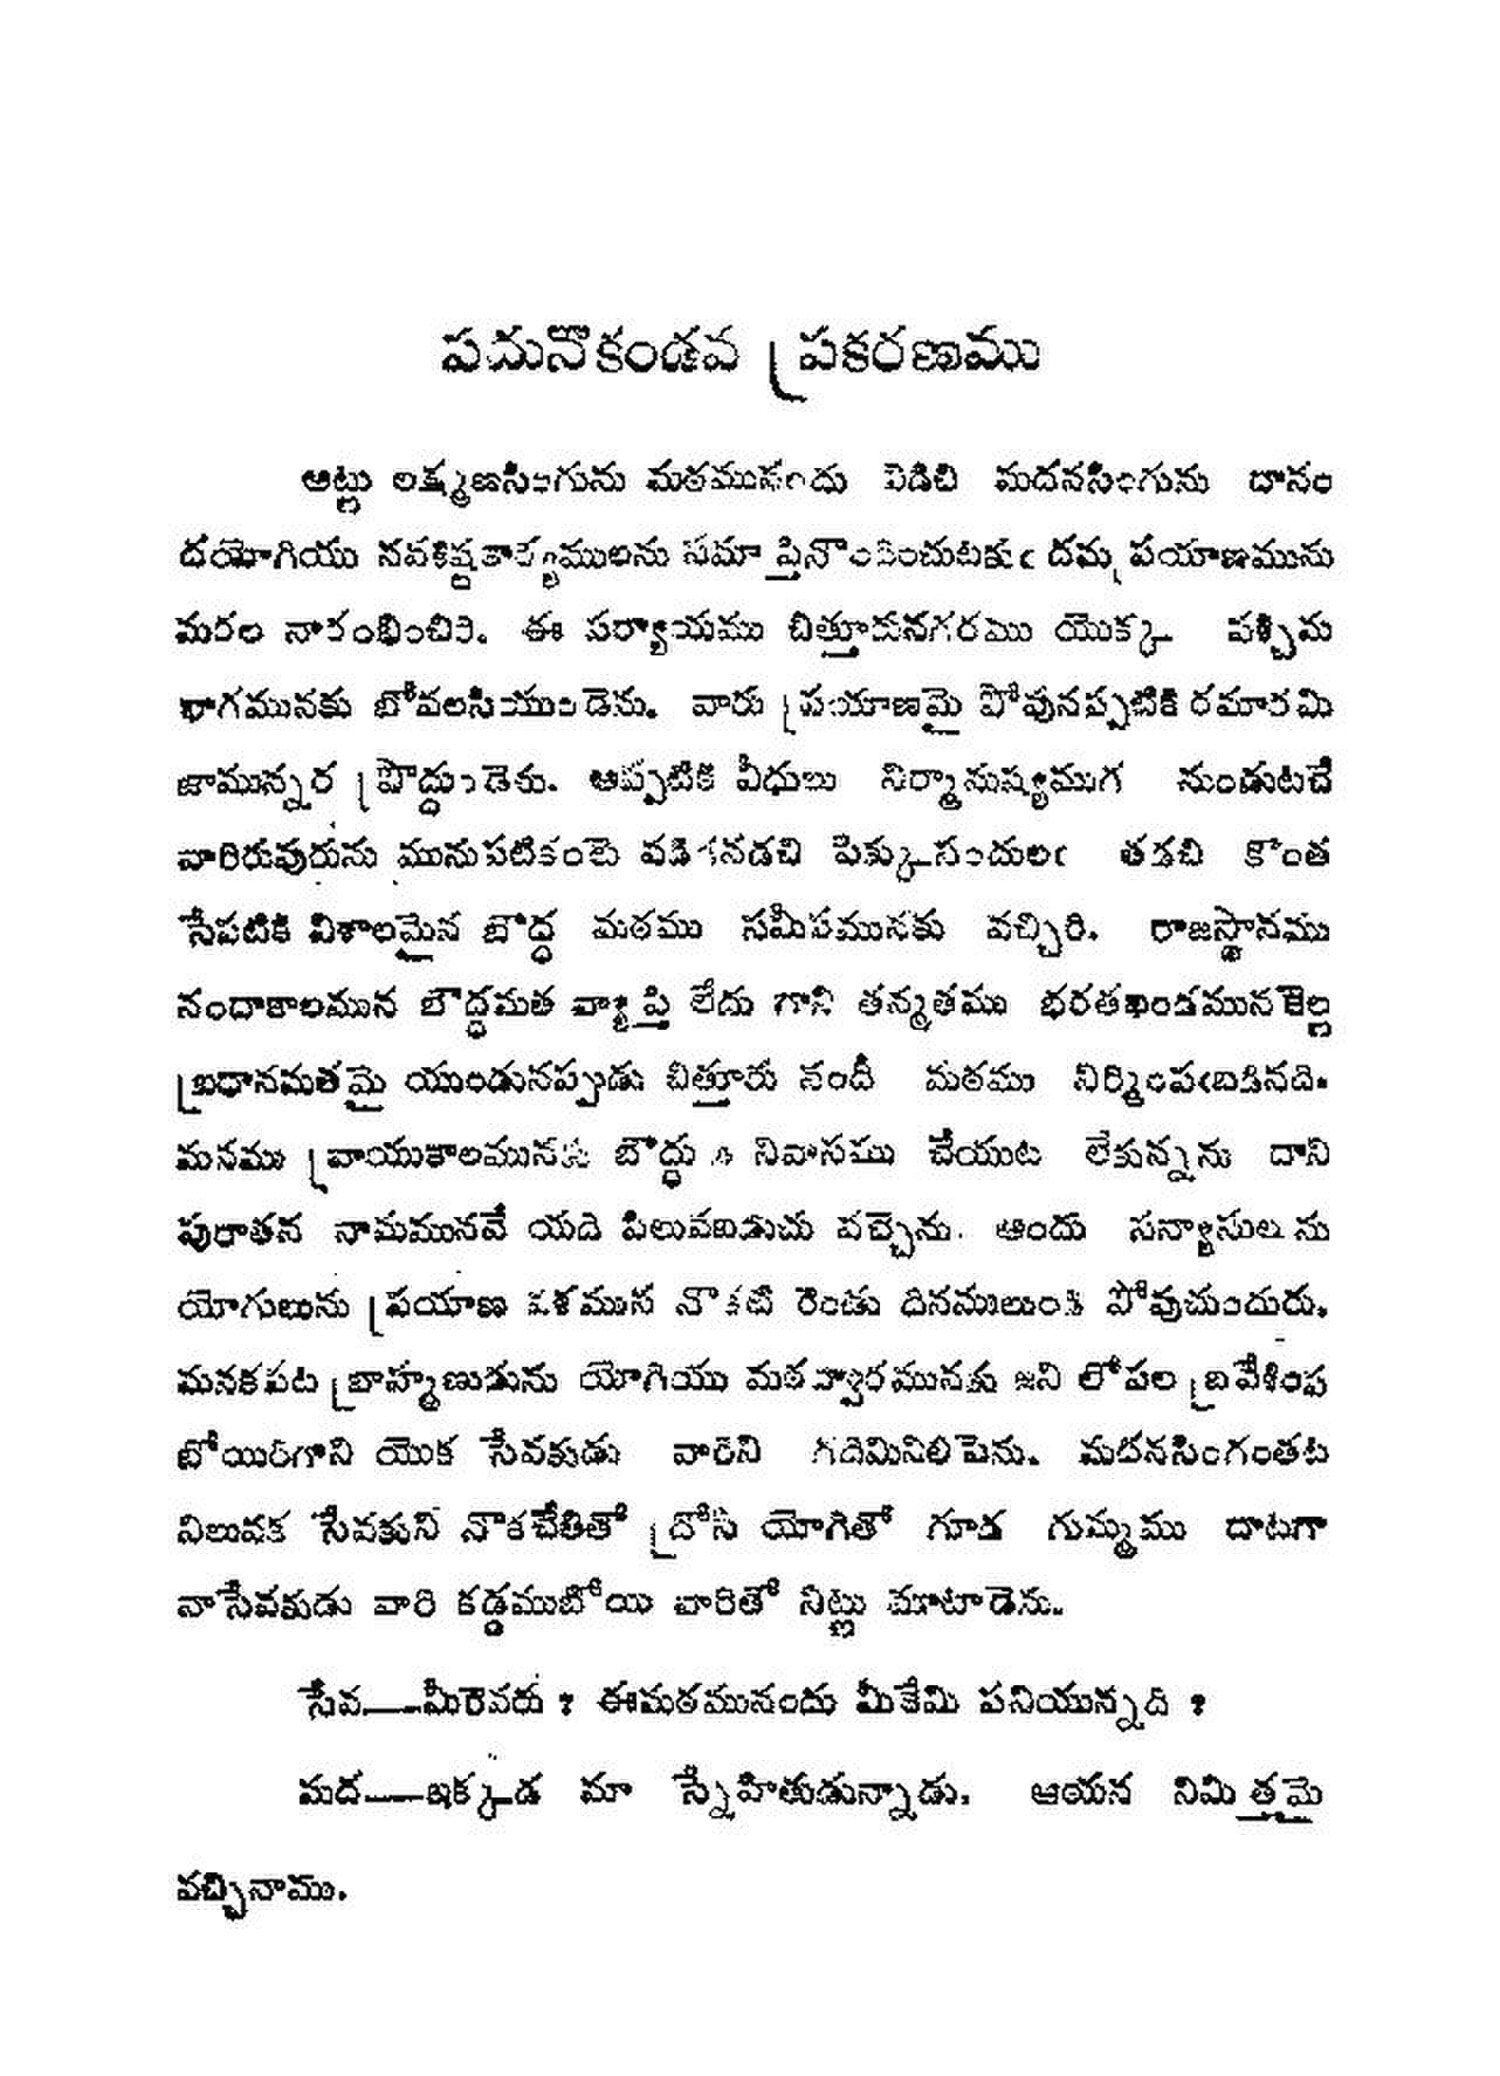అట్లు లక్ష్మణసింగును మఠమునందు విడిచి మదనసింగును చిదానందయోగియు నవశిష్ట కార్యములను సమాప్తినొందించుటకు దమప్రయాణమును మరల నారంభించిరి. ఈ పర్యాయము చిత్తూరునగరము యొక్క పశ్చిమ భాగమునకు బోవలసియుండెను. వారు ప్రయాణమైపోవునప్పటికి రమారమి జామున్నర ప్రొద్దుండెను. అప్పటికి వీధులు నిర్మానుష్యముగ నుండుటచే వారిరువురును మునుపటికంటె వడిగనడిచి పెక్కుసందుల తడచి కొంత సేపటికి విశాలమైన బౌద్ధమఠము సమీపమునకు వచ్చిరి. రాజస్థానము నందాకాలమున బౌద్ధమతవ్యాప్తి లేదు గాని తన్మతము భరతఖండమునకెల్ల బ్రధానమతమై యుండునప్పుడు చిత్తూరు నందీ మఠము నిర్మింపబడినది. మనము వ్రాయుకాలమున బౌద్ధులనివాసము చేయుట లేకున్నను దాని పురాతన నామముననే యది పిలువబడుచు వచ్చెను. అందు సన్యాసులును యోగులును ప్రయాణవశమున నొకటి రెండు దినములుండి పోవుచుందురు. మనకపట బ్రాహ్మణుడును యోగియు మఠద్వారమునకు జని లోపల బ్రవేశింప బోయిరిగాని యొక సేవకుడు వారిని గదిమినిలిపెను. మదనసింగంతట నిలువక సేవకుని నొకచేతితో ద్రోసి యోగితో గూడ గుమ్మము దాటగా నాసేవకుడు వారి కడ్డుబోయి వారితో నిట్లు మాటాడెను.

సేవ — మీరెవరు? ఈమఠమునందు మీకేమి పనియున్నది?

మద — ఇక్కడ మా స్నేహితుడున్నాడు. ఆయన నిమిత్తమై వచ్చినాము.